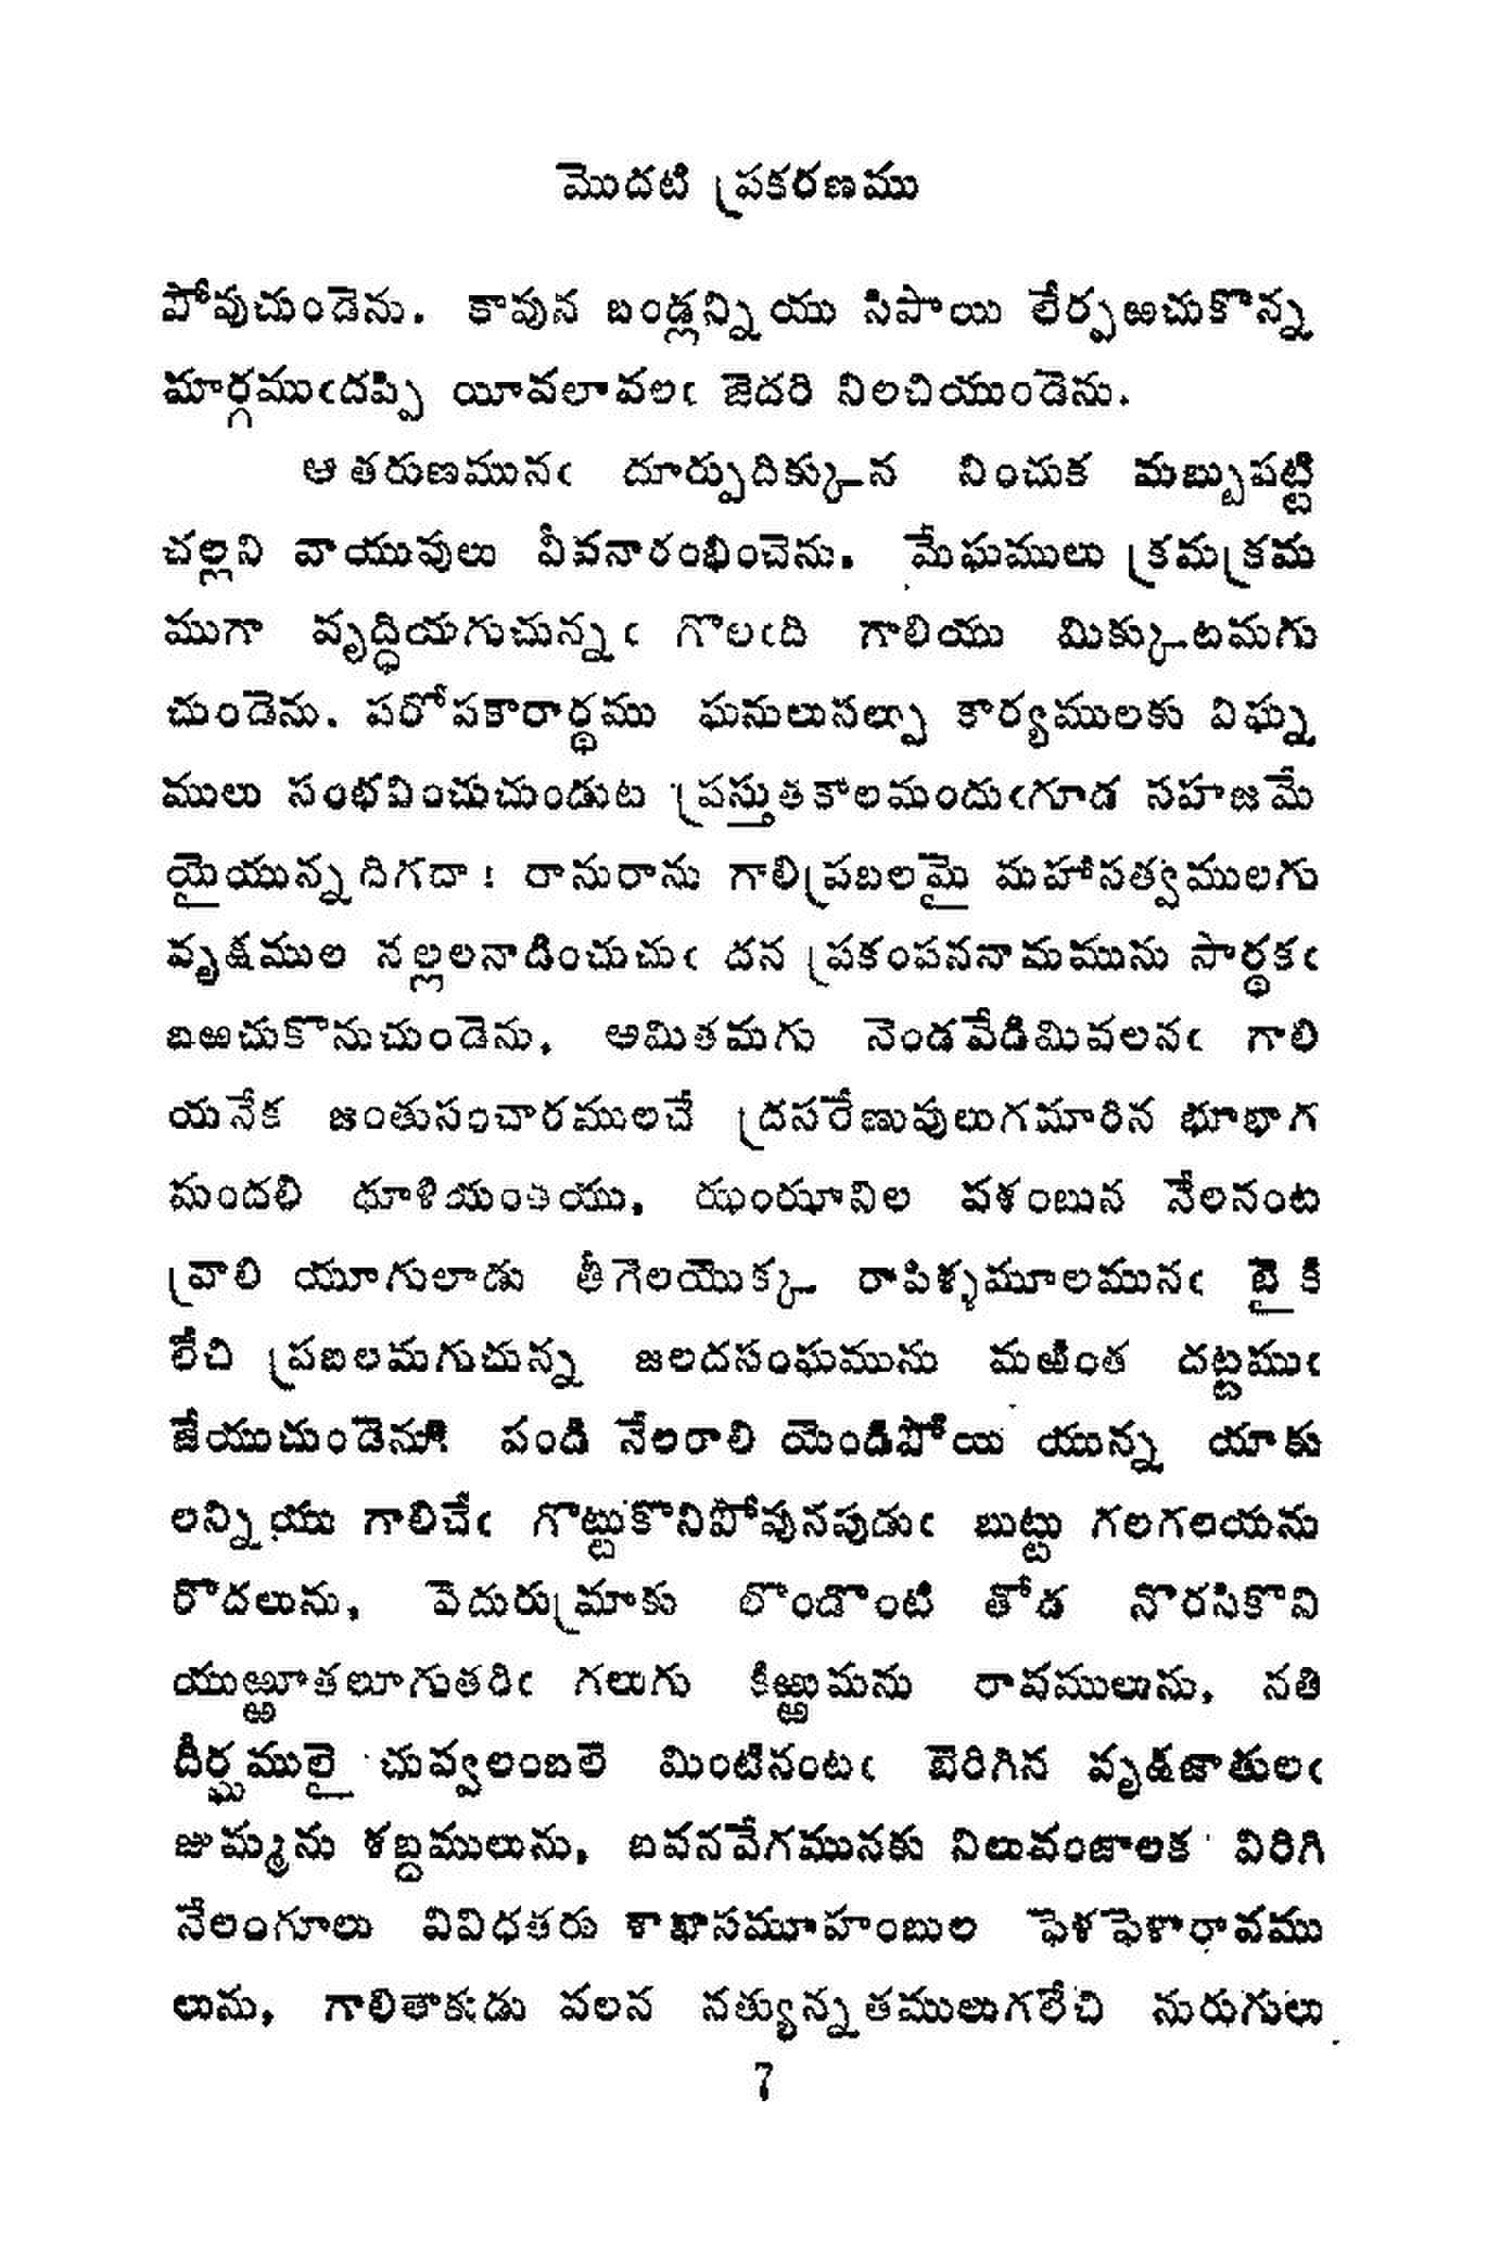పోవుచుండెను. కావున బండ్లన్నియు సిపాయి లేర్పఱచుకొన్న మార్గముఁదప్పి యీవలావలఁ జెదరి నిలచియుండెను.

ఆ తరుణమునఁ దూర్పుదిక్కున నించుక మబ్బుపట్టి చల్లని వాయువులు వీవనారంభించెను. మేఘములు క్రమక్రమముగా వృద్ధియగుచున్నఁ గొలఁది గాలియు మిక్కుటమగు చుండెను. పరోపకారార్థము ఘనులుసల్పు కార్యములకు విఘ్నములు సంభవించుచుండుట ప్రస్తుతకాలమందుఁగూడ సహజమే యైయున్నదిగదా ! రానురాను గాలి ప్రబలమై మహాసత్వములగు వృక్షముల నల్లలనాడించుచుఁ దన ప్రకంపననామమును సార్థకఁ బఱచుకొనుచుండెను, అమితమగు నెండవేడిమివలనఁ గాలి యనేక జంతుసంచారములచే ద్రసరేణువులుగమారిన భూభాగమందలి ధూళియంతయు, ఝంఝానిల వశంబున నేలనంట వ్రాలి యూగులాడు తీగెలయొక్క రాపిళ్ళమూలమునఁ బైకిలేచి ప్రబలమగుచున్న జలదసంఘమును మఱింత దట్టముఁ జేయుచుండెను? పండి నేలరాలి యెండిపోయి యున్న యాకులన్నియు గాలిచేఁ గొట్టుకొనిపోవునపుడుఁ బుట్టు గలగలయను రొదలును, వెదురుమ్రాకు లొండొంటి తోడ నొరసికొని యుఱ్ఱూతలూగుతరిఁ గలుగు కిఱ్ఱుమను రావములును, నతి దీర్ఘములై చువ్వలంబలె మింటినంటఁ బెరిగిన వృక్షజాతులఁ జుమ్మను శబ్దములును, బవనవేగమునకు నిలువంజాలక విరిగి నేలంగూలు వివిధతరు శాఖాసమూహంబుల ఫెళఫెళారావములును, గాలితాకుడు వలన నత్యున్నతములుగలేచి నురుగులు,